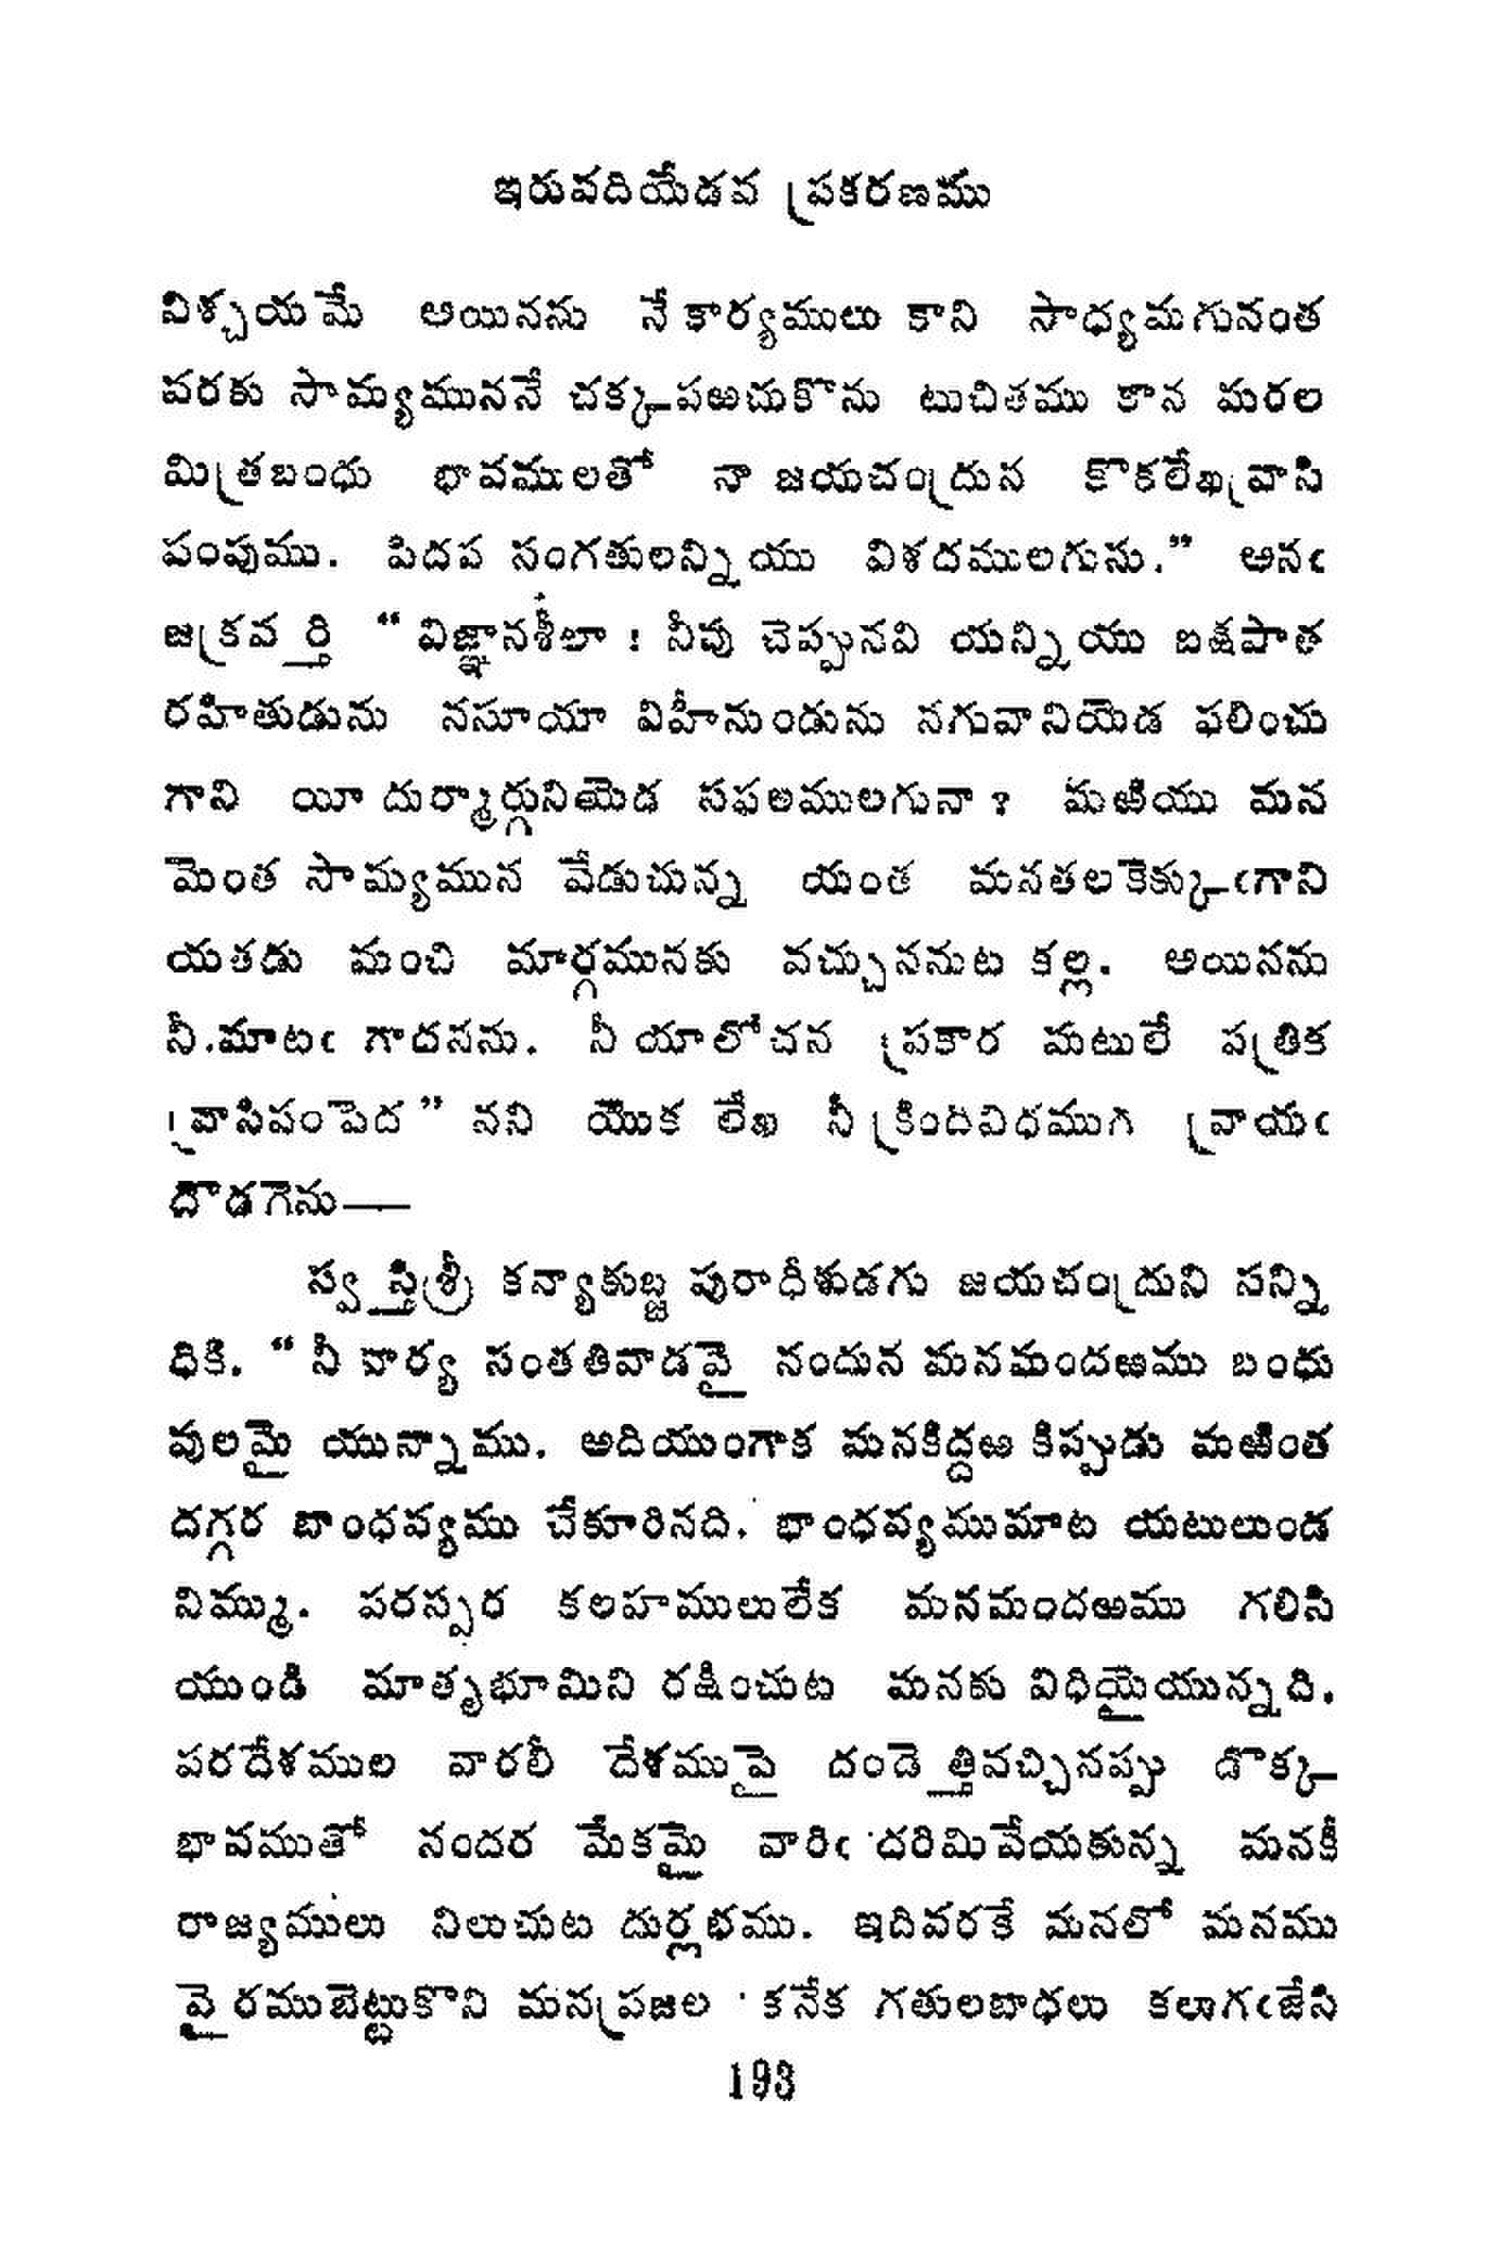నిశ్చయమే అయినను నే కార్యములు కాని సాధ్యమగునంత వరకు సామ్యముననే చక్క పఱచుకొను టుచితము కాన మరల మిత్రబంధు భావములతో నా జయచంద్రున కొకలేఖవ్రాసి పంపుము. పిదప సంగతులన్నియు విశదములగును. అనఁ జక్రవర్తి " విజ్ఞానశీలా ! నీవు చెప్పునవి యన్నియు బక్షపాత రహితుడును నసూయా విహీనుండును నగువానియెడ ఫలించుగాని యీ దుర్మార్గునియెడ సఫలములగునా ? మఱియు మన మెంత సామ్యమున వేడుచున్న యంత మనతలకెక్కుఁగాని యతడు మంచి మార్గమునకు వచ్చుననుట కల్ల. అయినను నీ.మాటఁ గాదనను. నీ యాలోచన ప్రకార మటులే పత్రిక వాసిపంపెద" నని యొక లేఖ నీ క్రింది విధముగా వ్రాయఁ దొడగెను

స్వస్తిశ్రీ కన్యాకుబ్జ పురాధీశుడగు జయచంద్రుని సన్ని ధికి. “ నీ వార్య సంతతివాడవై నందున మనమందఱము బంధువులమై యున్నాము. అదియుంగాక మనకిద్దఱ కిప్పుడు మఱింత దగ్గర బాంధవ్యము చేకూరినది. భాంధవ్యముమాట యటులుండ నిమ్ము. పరస్పర కలహములులేక మనమందఱము గలిసియుండి మాతృభూమిని రక్షించుట మనకు విధియైయున్నది. పరదేశముల వారలీ దేశముపై దండెత్తి వచ్చినప్పు డొక్క భావముతో నందర మేకమై వారిఁ దరిమివేయకున్న మనకీ రాజ్యములు నిలుచుట దుర్లభము. ఇదివరకే మనలో మనము వైరముబెట్టుకొని మనప్రజల ' కనేక గతులబాధలు కలగఁజేసి